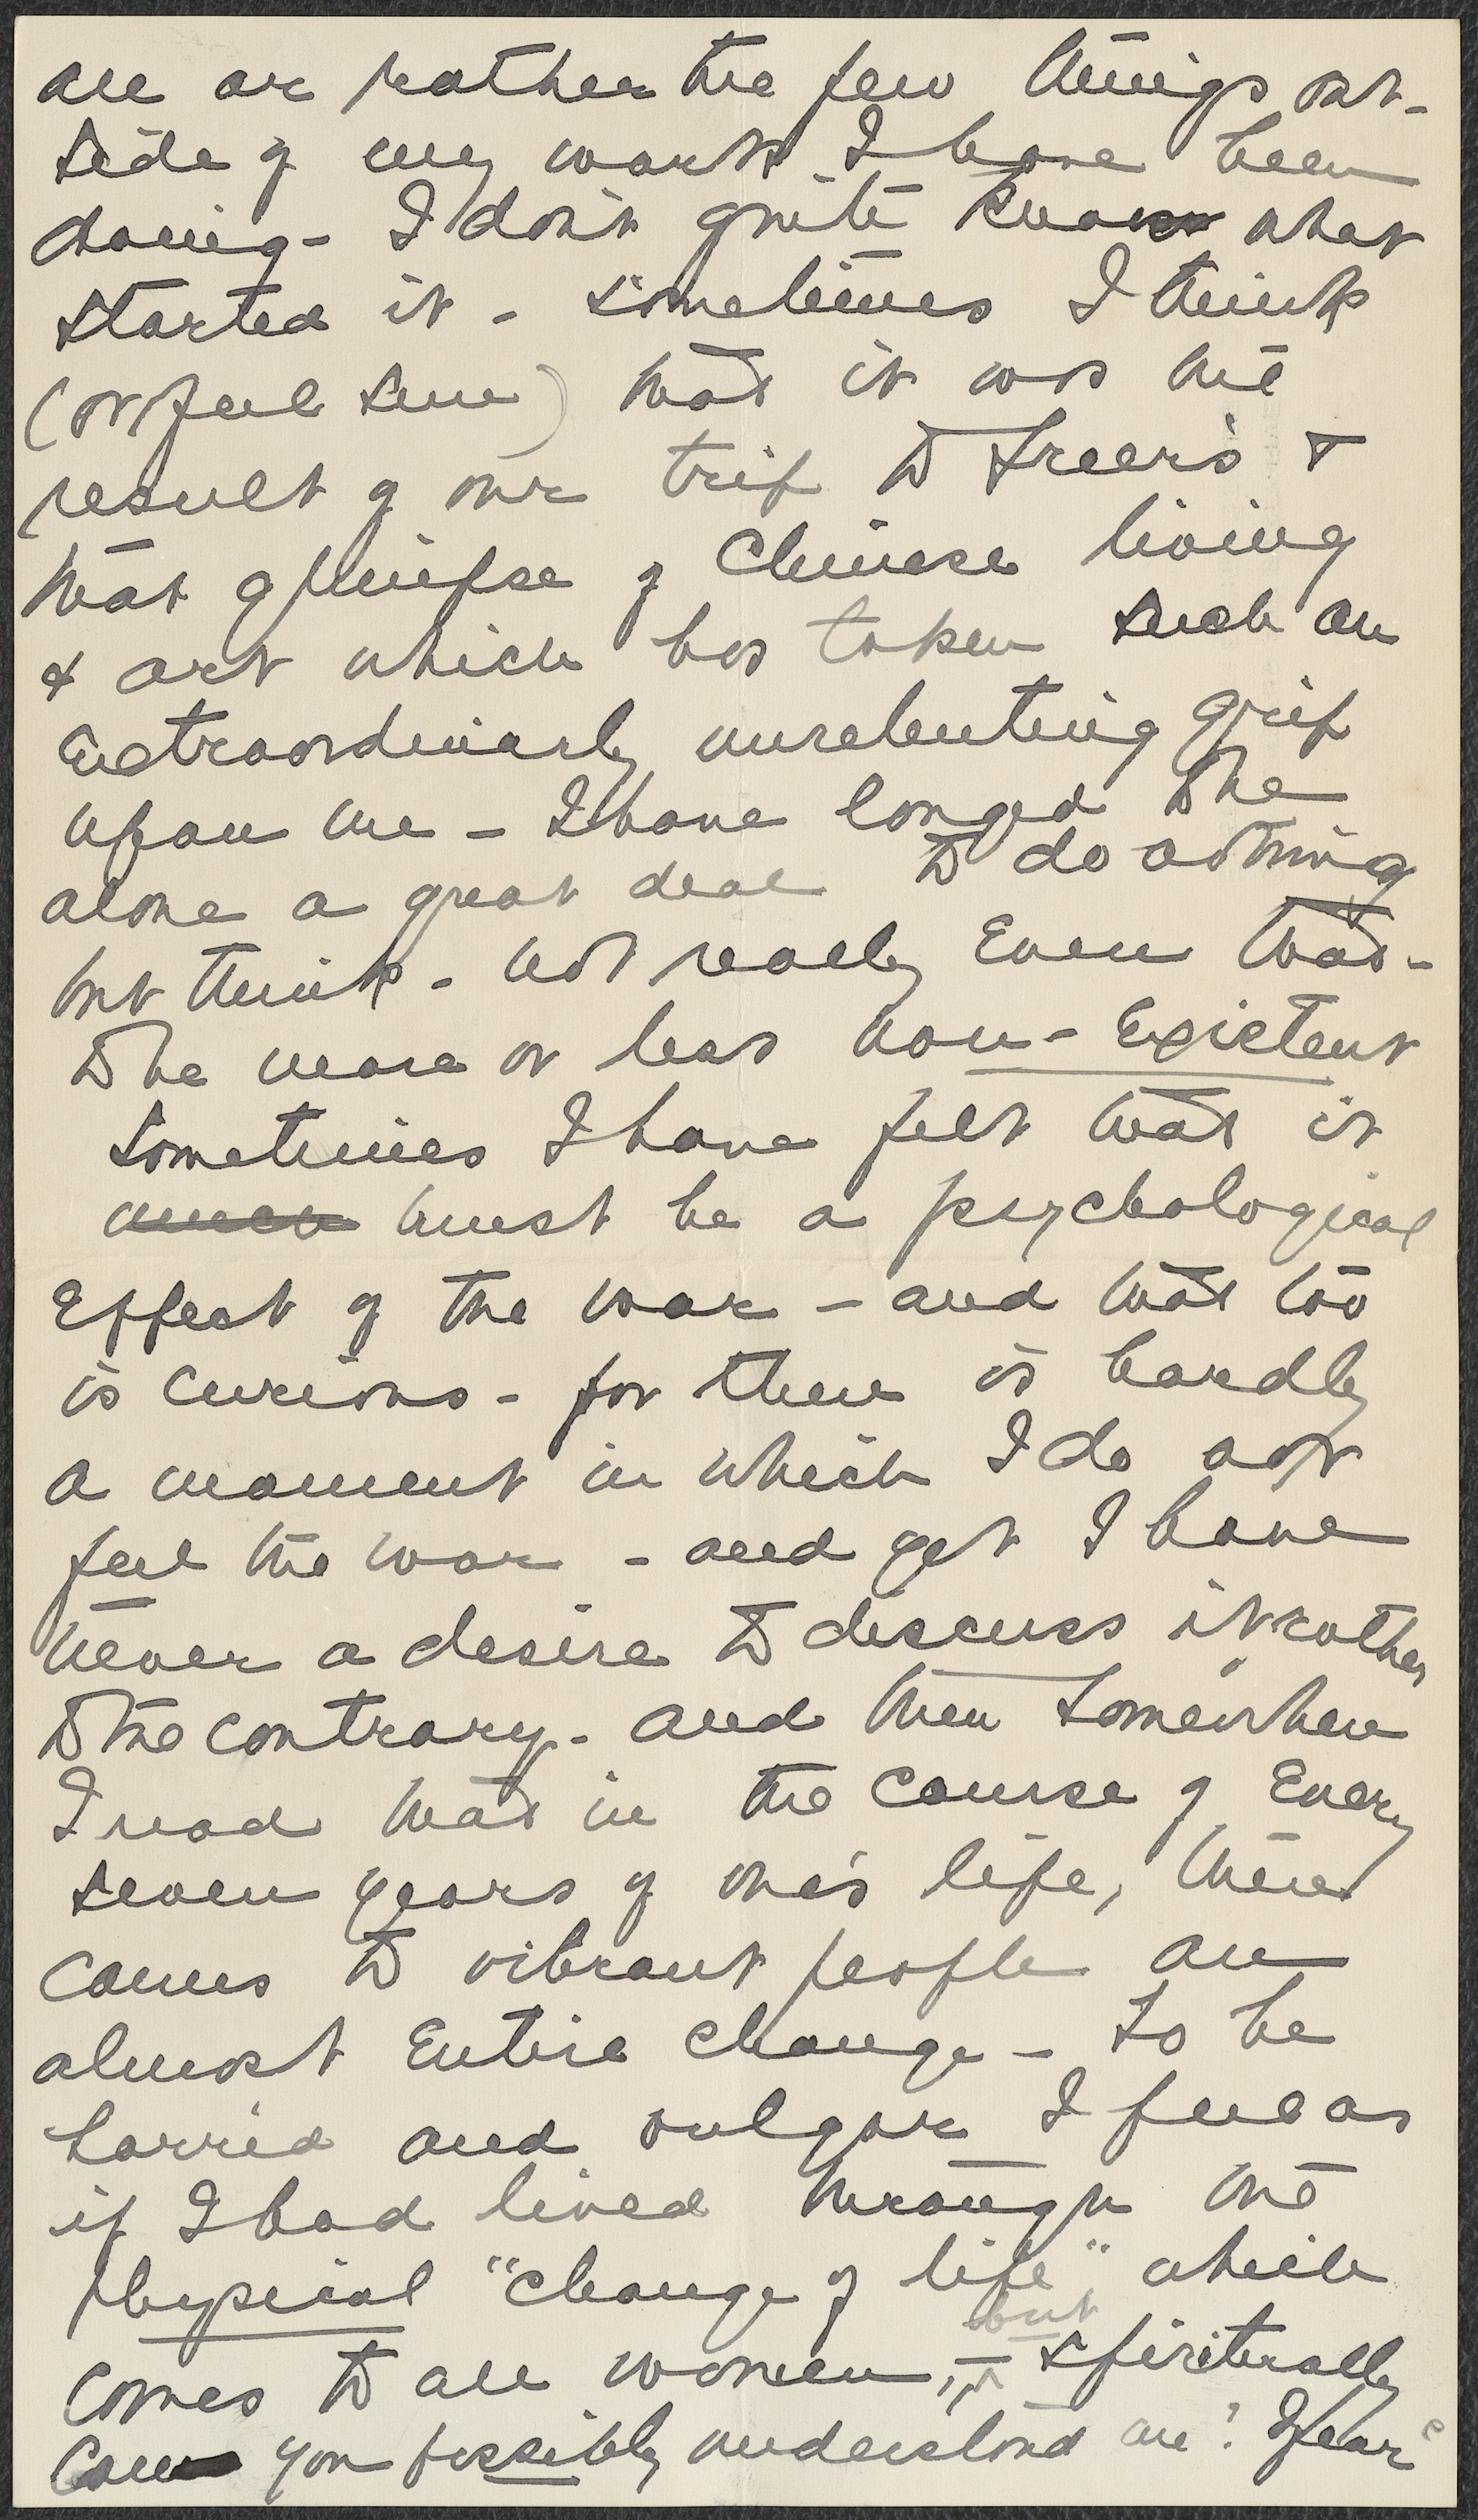all or rather the few things outside of my work I have been doing – I don't quite know what started it. Sometimes I think (or feel sure) that it was the result of our trip to Freer's & that glimpse of Chinese living & art which has taken such an extraordinarily unrelenting grip upon me – I have longed to be alone a great deal to do nothing but think – not really even that — to be more or less non-existent sometimes I have felt that it much must be a psychological effect of the war – and that too is curious – for there is hardly a moment in which I do not feel the war – and yet I have never a desire to discuss it rather to the contrary – and then somewhere I read that in the course of every seven years of one's life, there comes to vibrant people an almost entire change – To be horrid and vulgar I feel as if I had lived through the physical "change of life" which comes to all women, – [^but^] spiritually can you possibly understand me? I fear